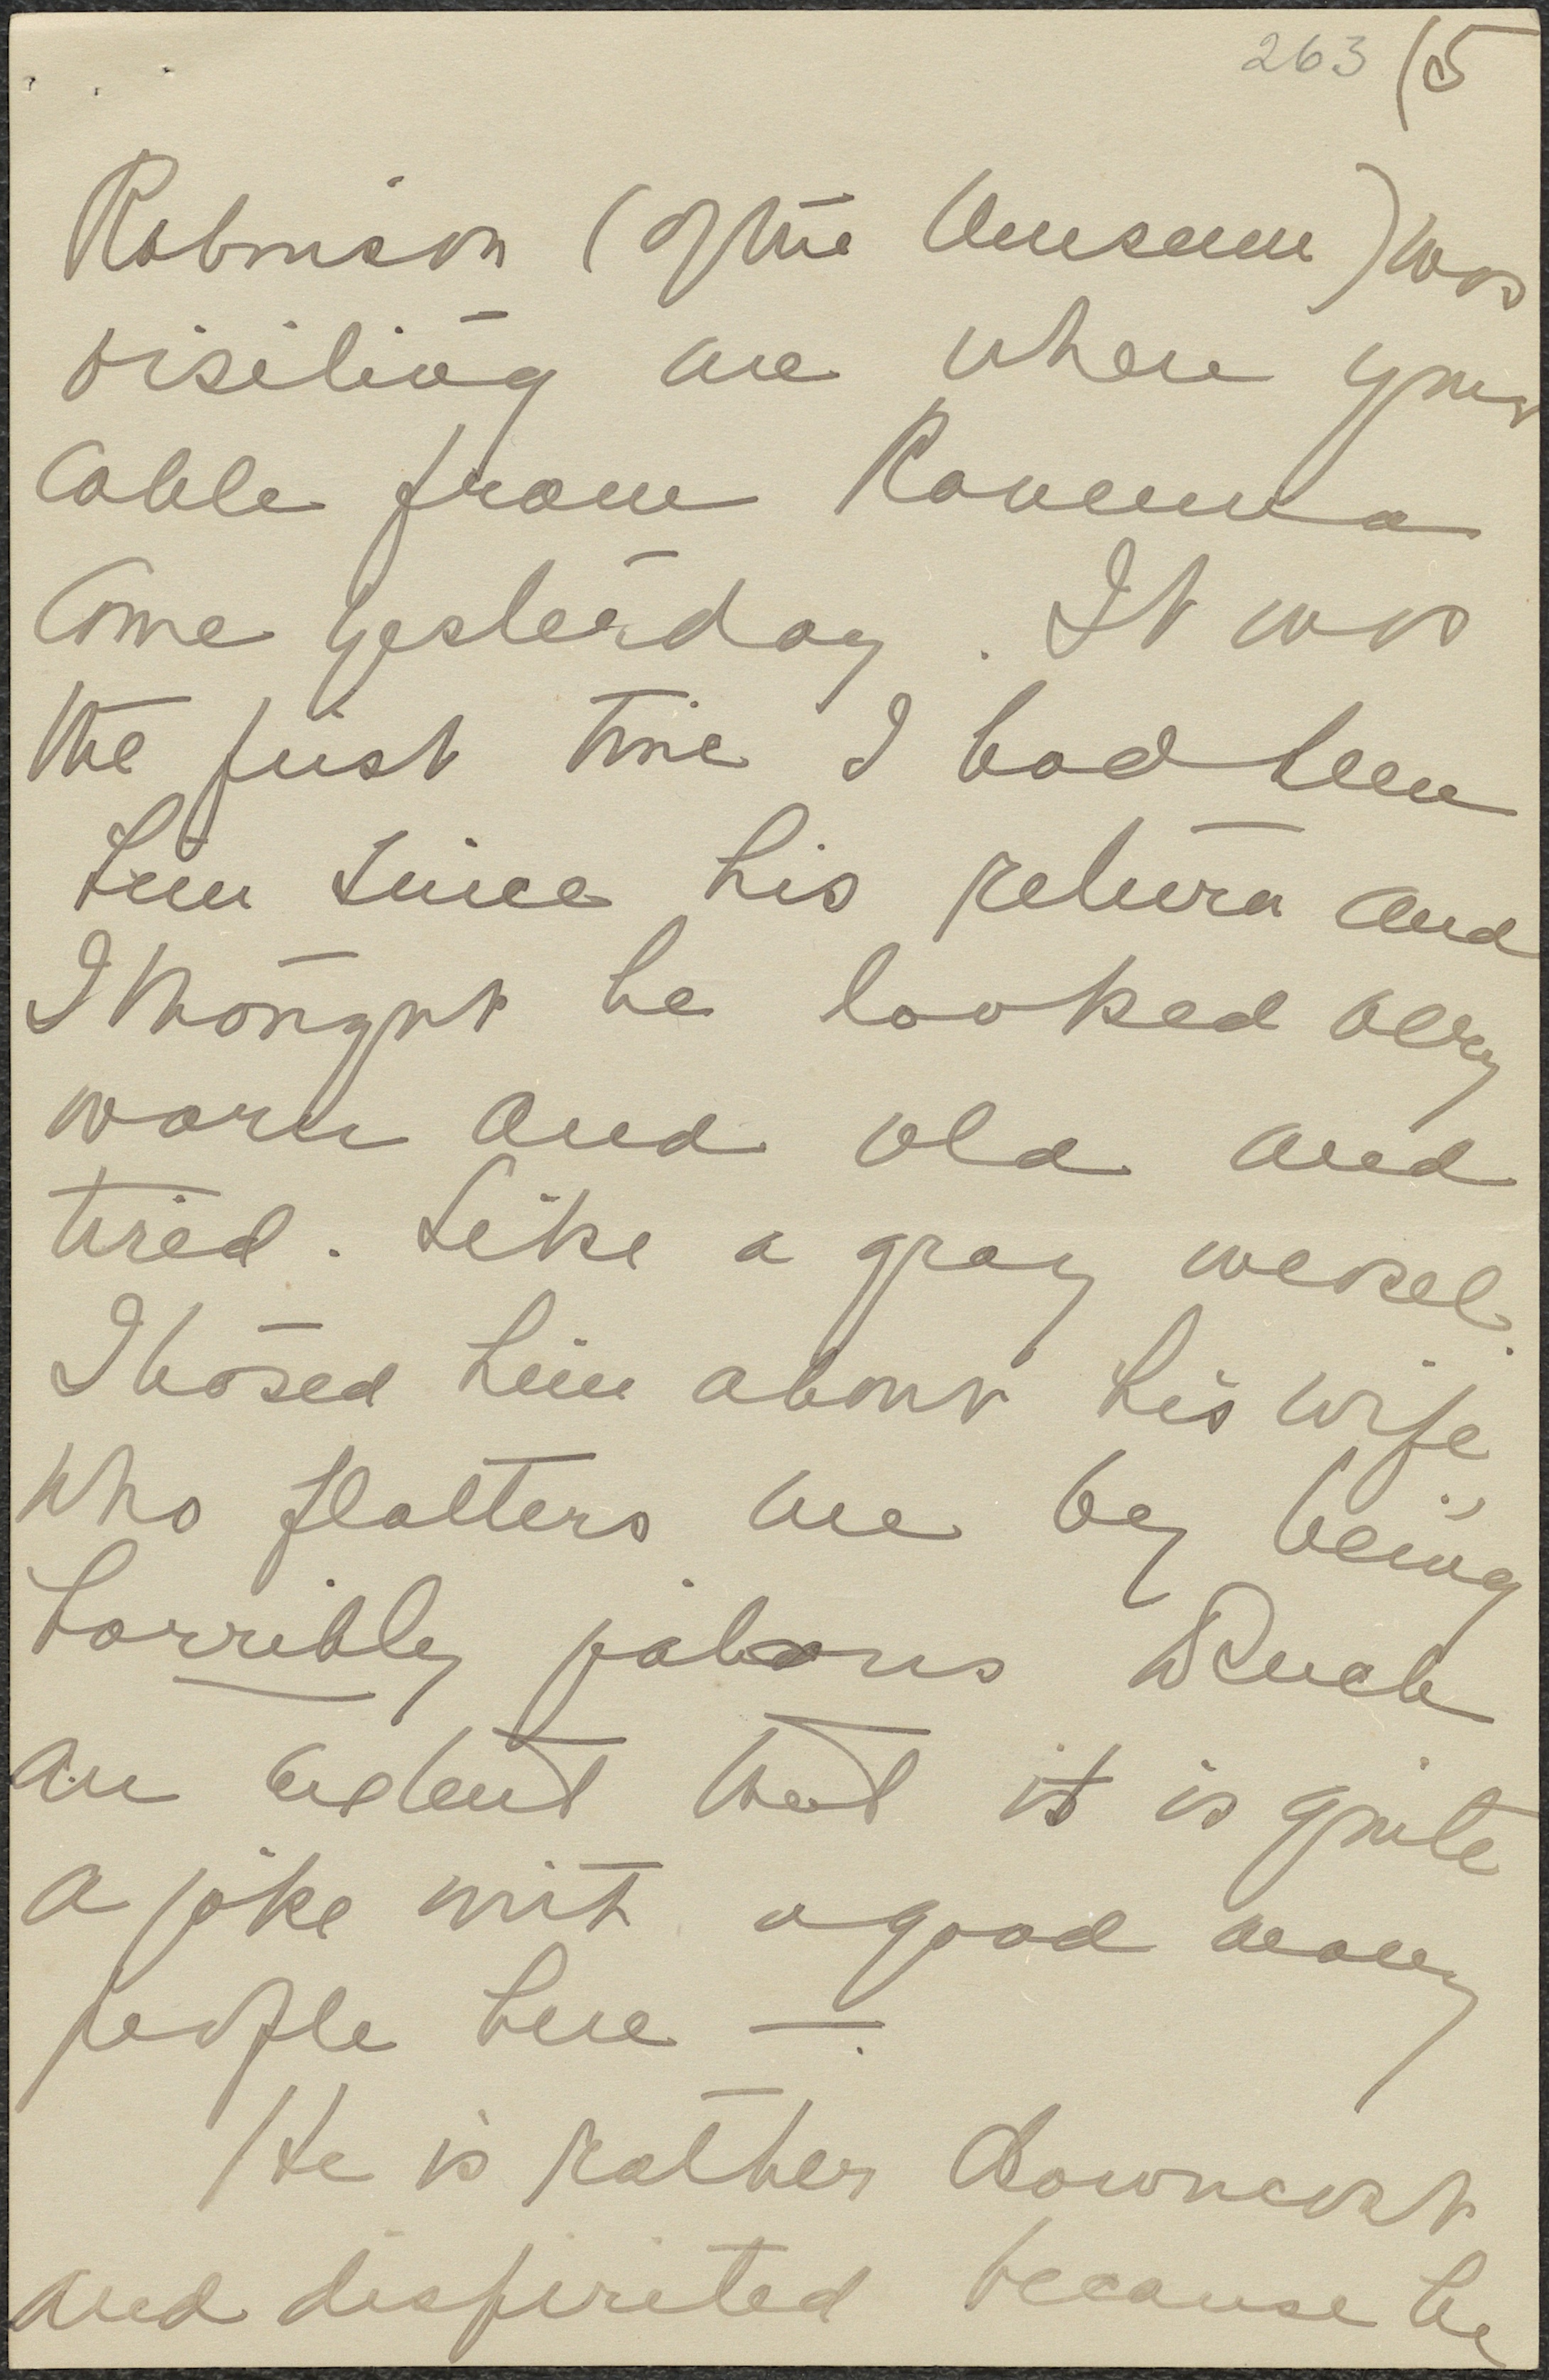(5
Robinson (of the Museum) was visiting me when your cable from Ravenna came yesterday. It was the first time I had seen him since his return and I thought he looked very worn and old and tired. Like a gray weasel. I teased him about his wife, who flatters me by being horribly jealous to such an extent that it is quite a joke with a good many people here –
He is rather downcast and dispirited because he